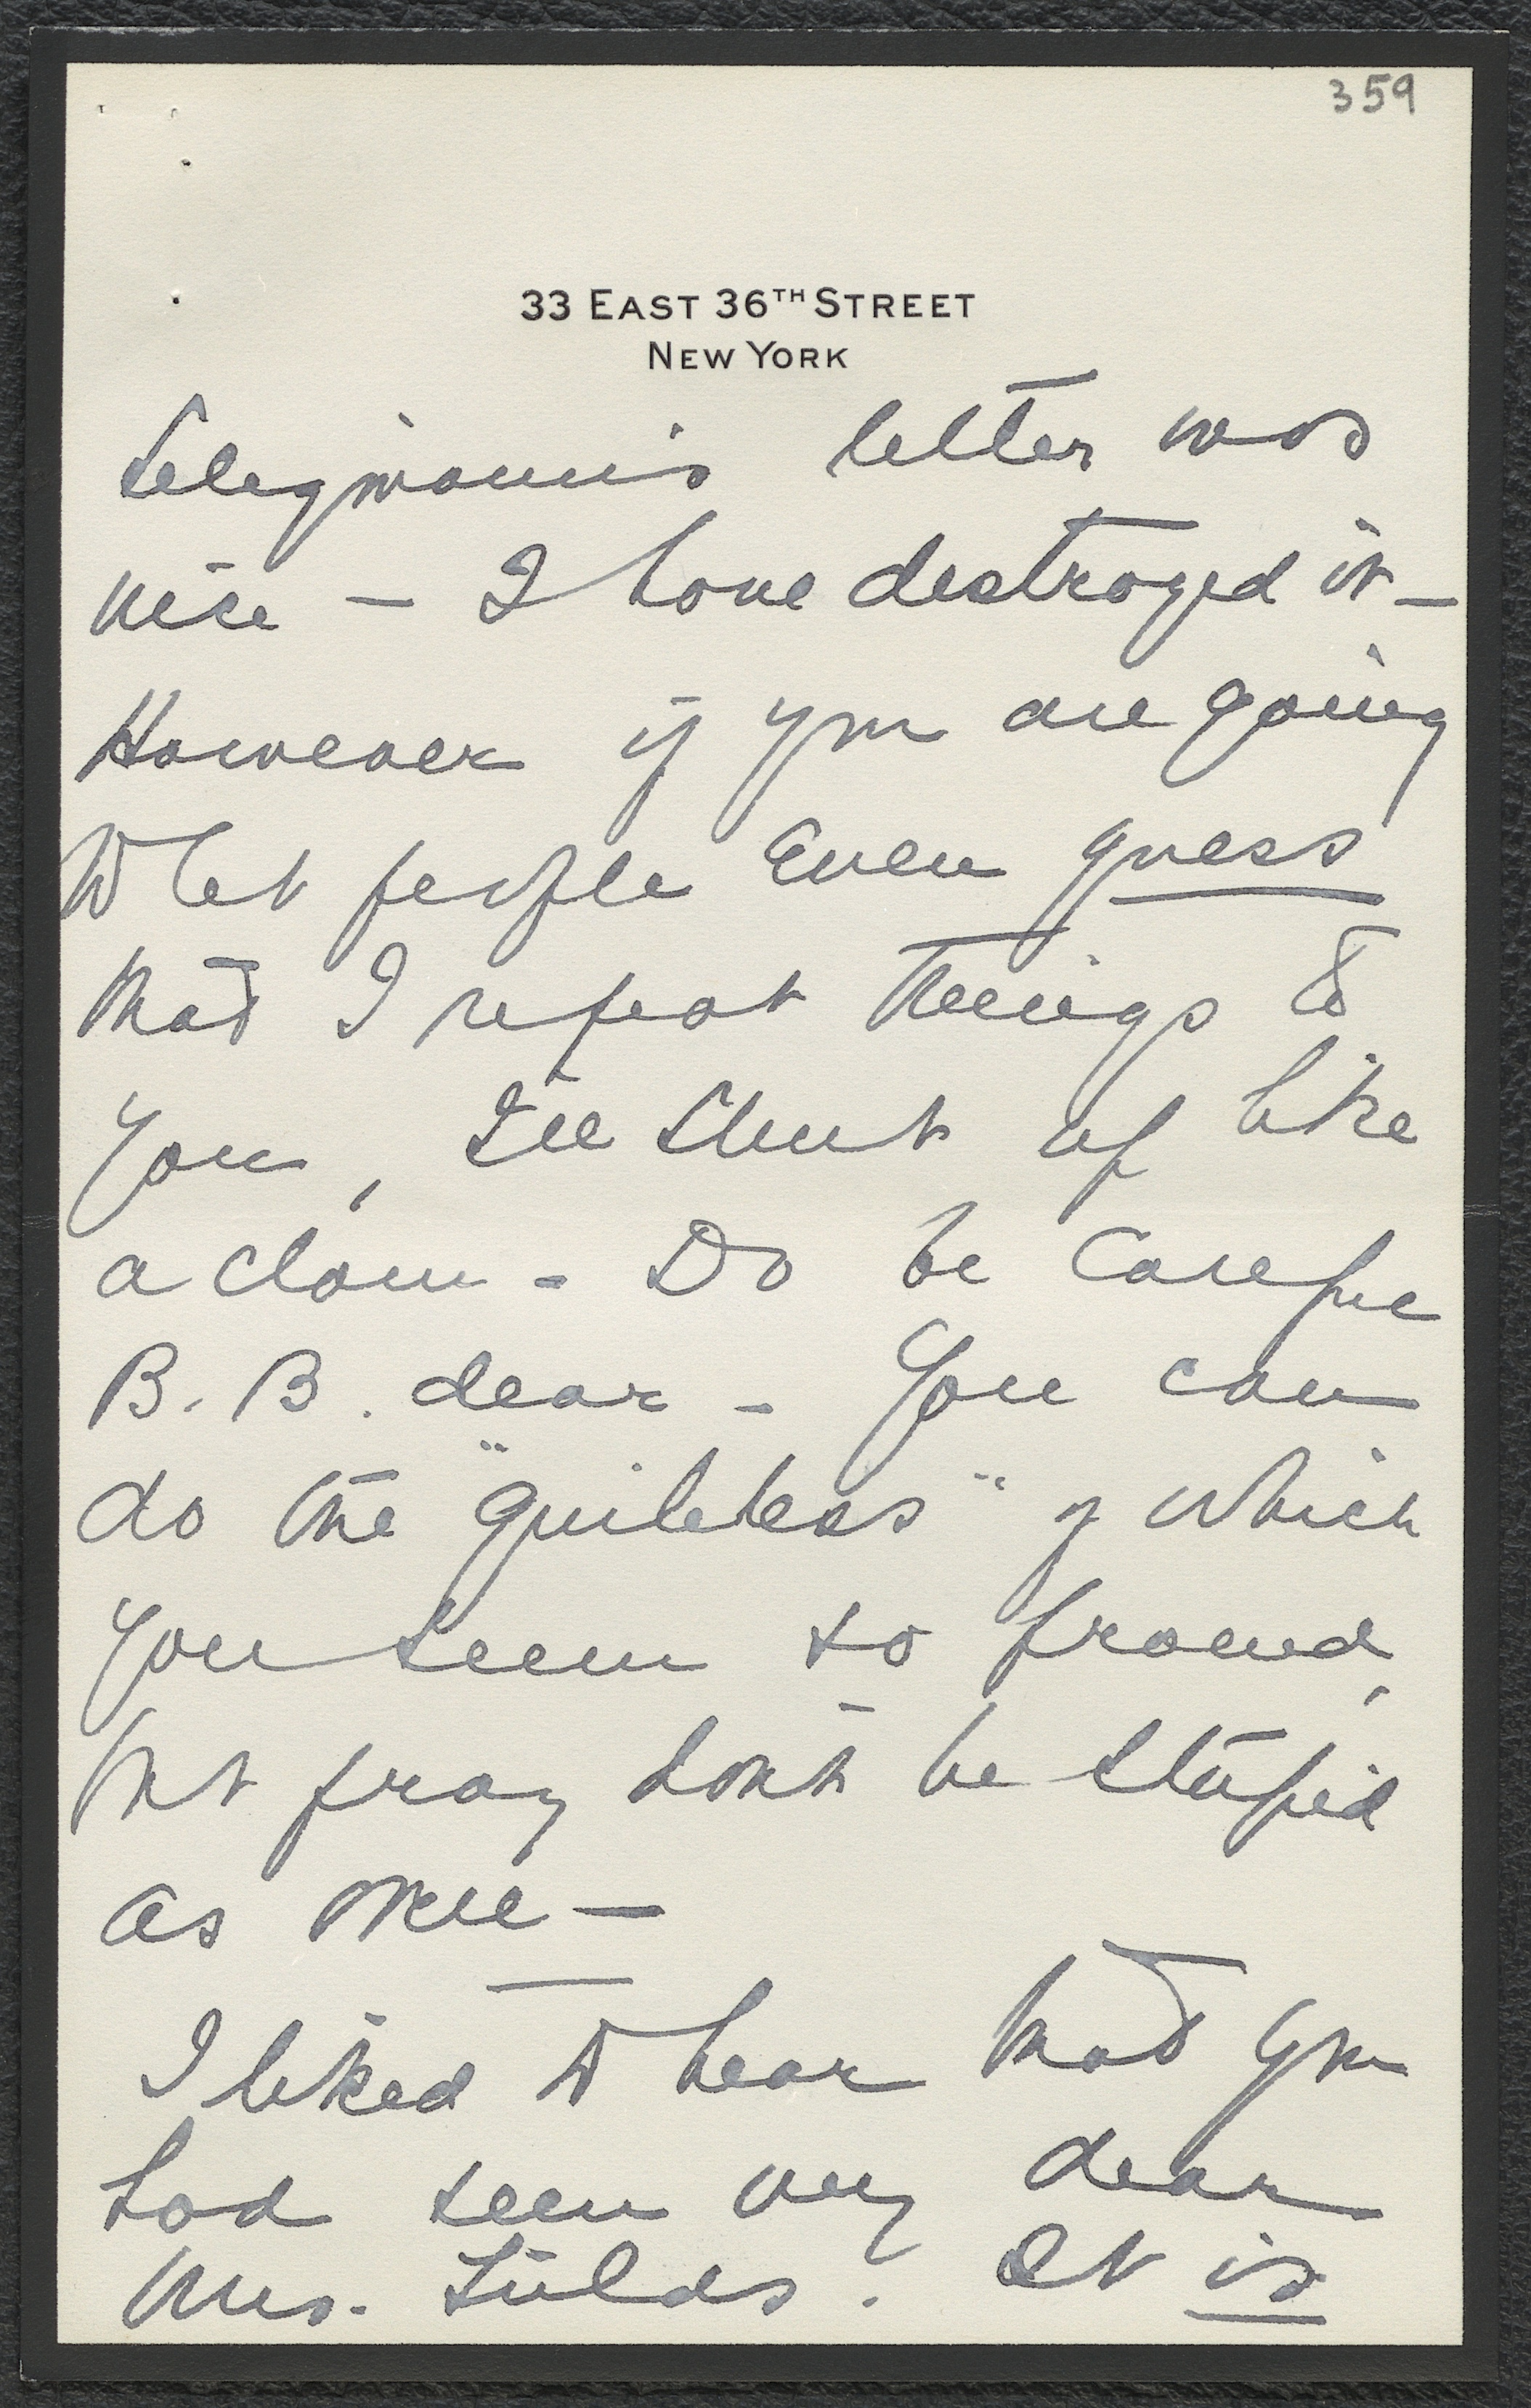Seligmann’s letter was nice – I have destroyed it – However if you are going to let people even guess that I repeat things to you, I’ll shut up like a clown – Do be careful B.B. dear – you can do the “guileless” of which you seem so proud, but pray don’t be stupid as well –
I liked to hear that you had seen my dear Mrs. Fields. It is